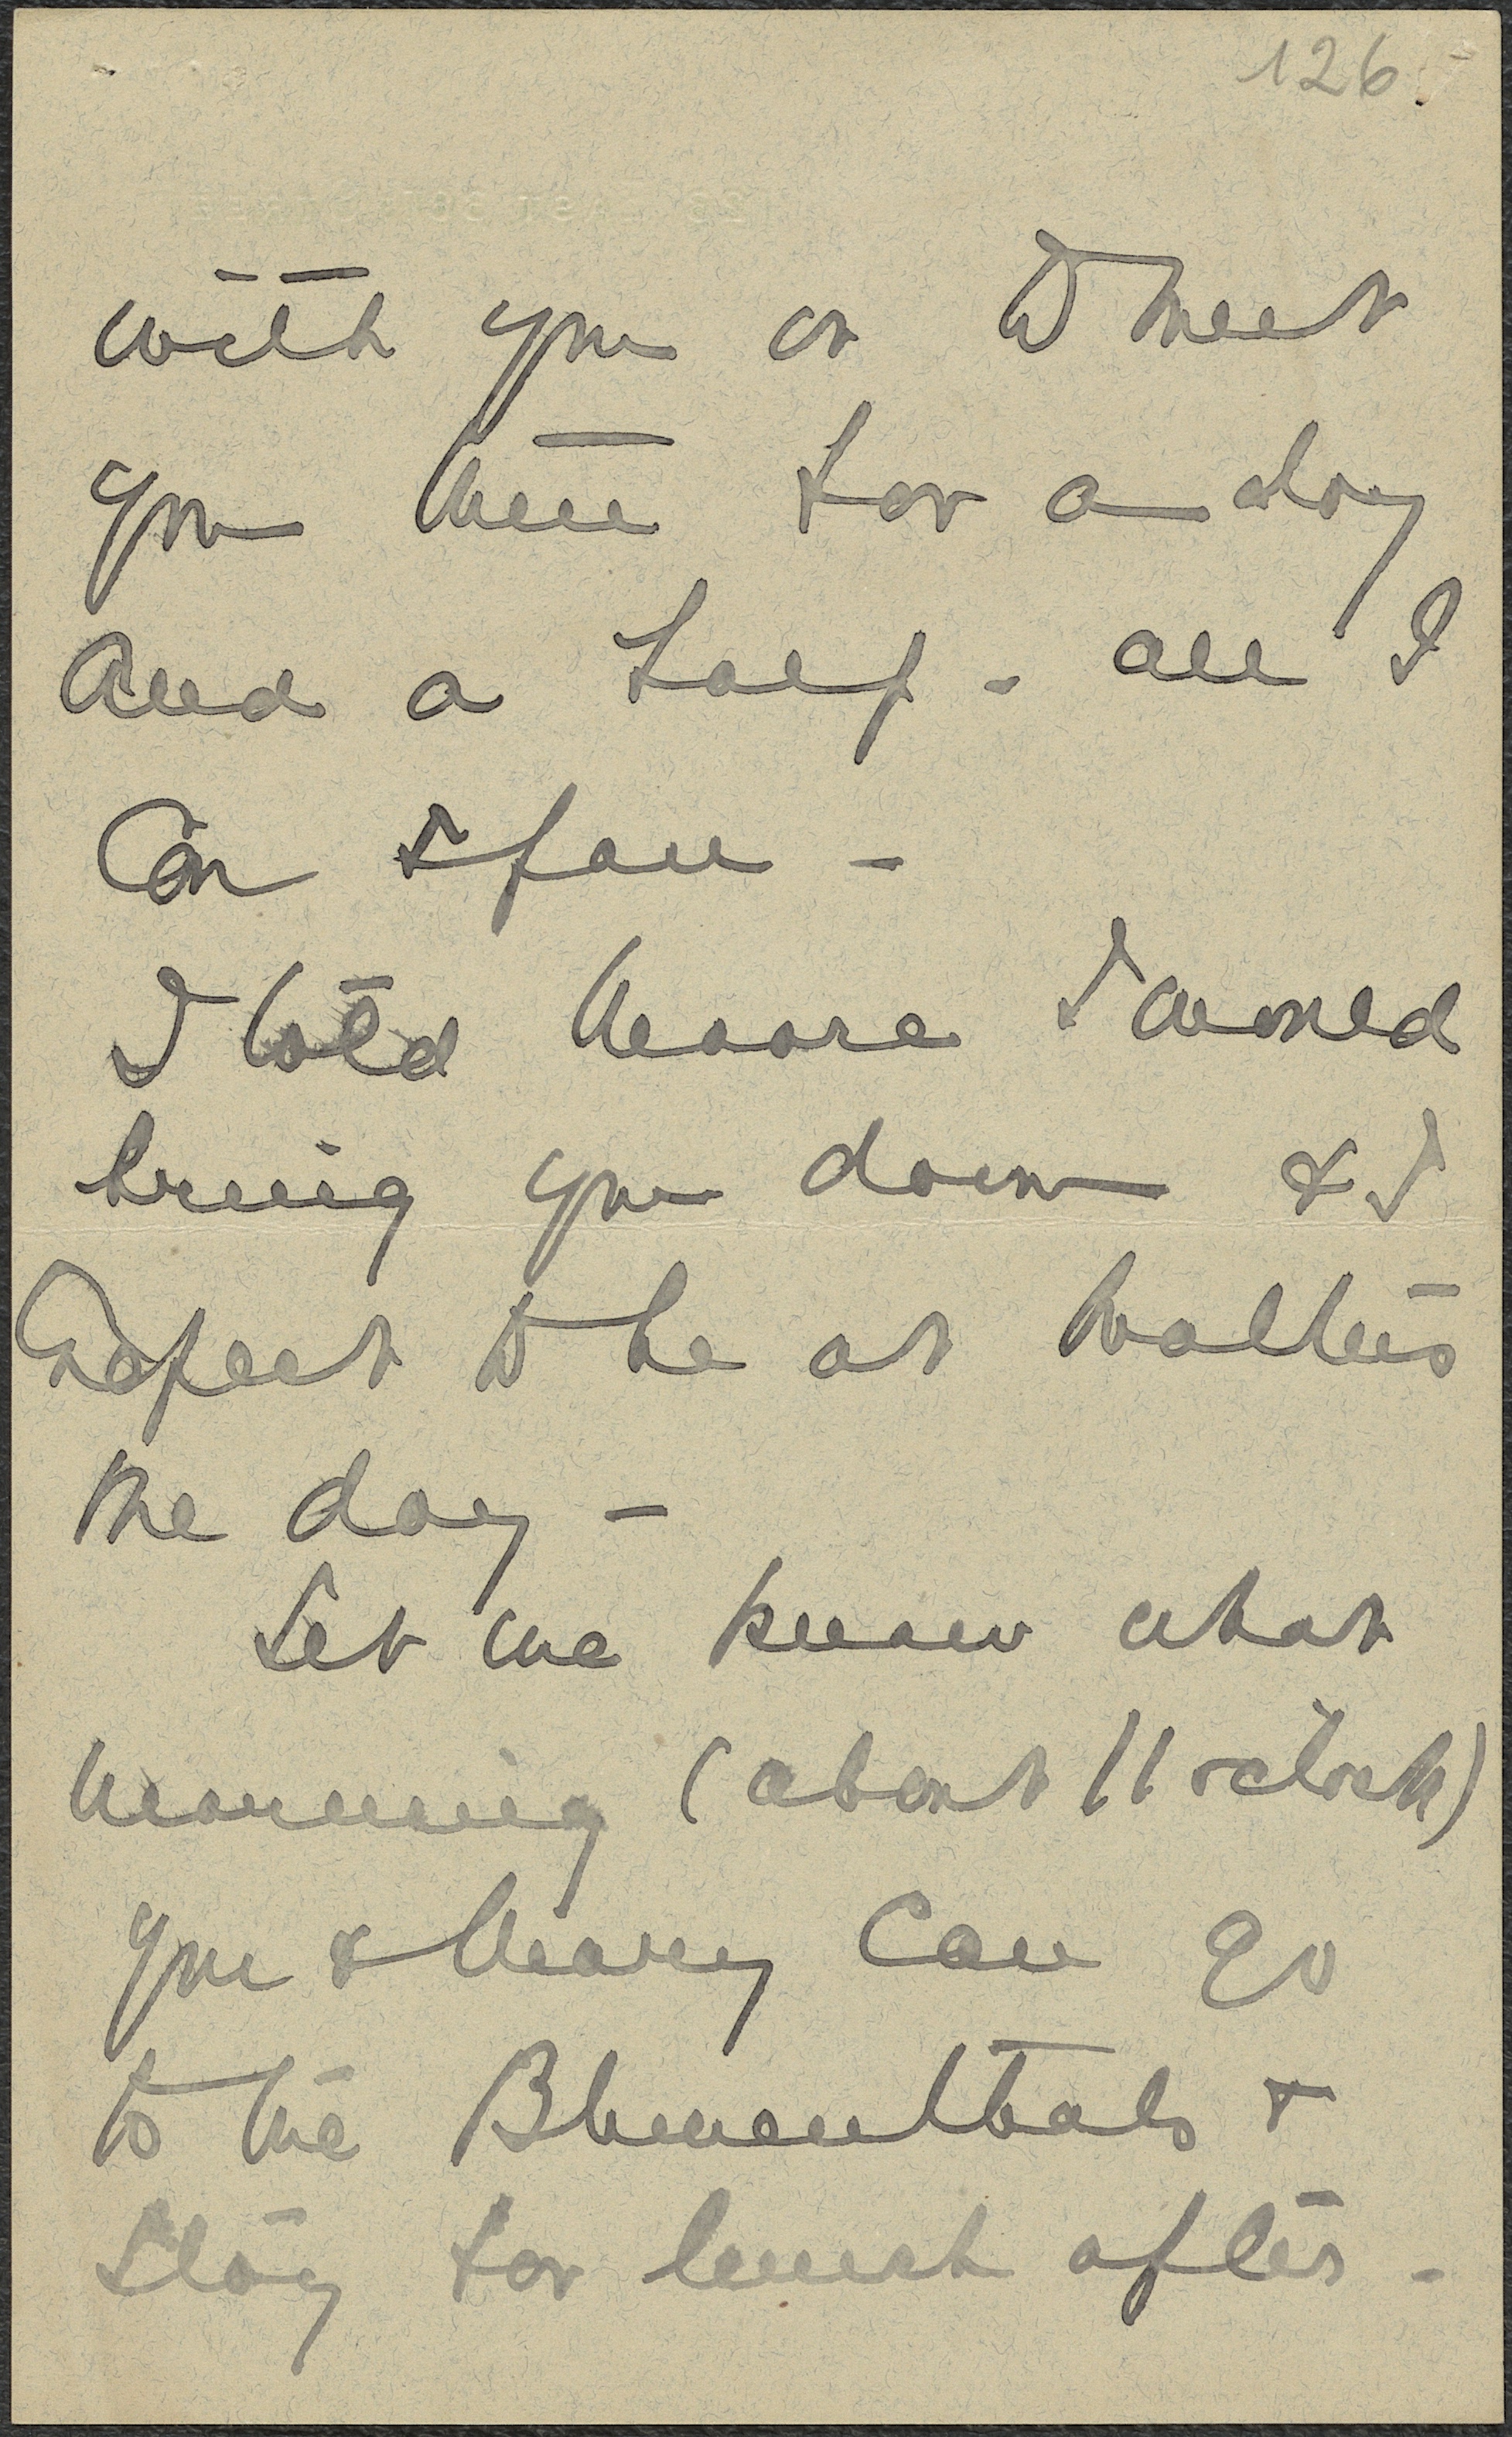with you or to meet you there for a day and a half – all I can spare
I told Moore I would bring you down & I expect to be at Walter's one day –
Let me know what morning (about 11o'clock) you & Mary can go to the Blumenthals & stay for lunch afterwards.